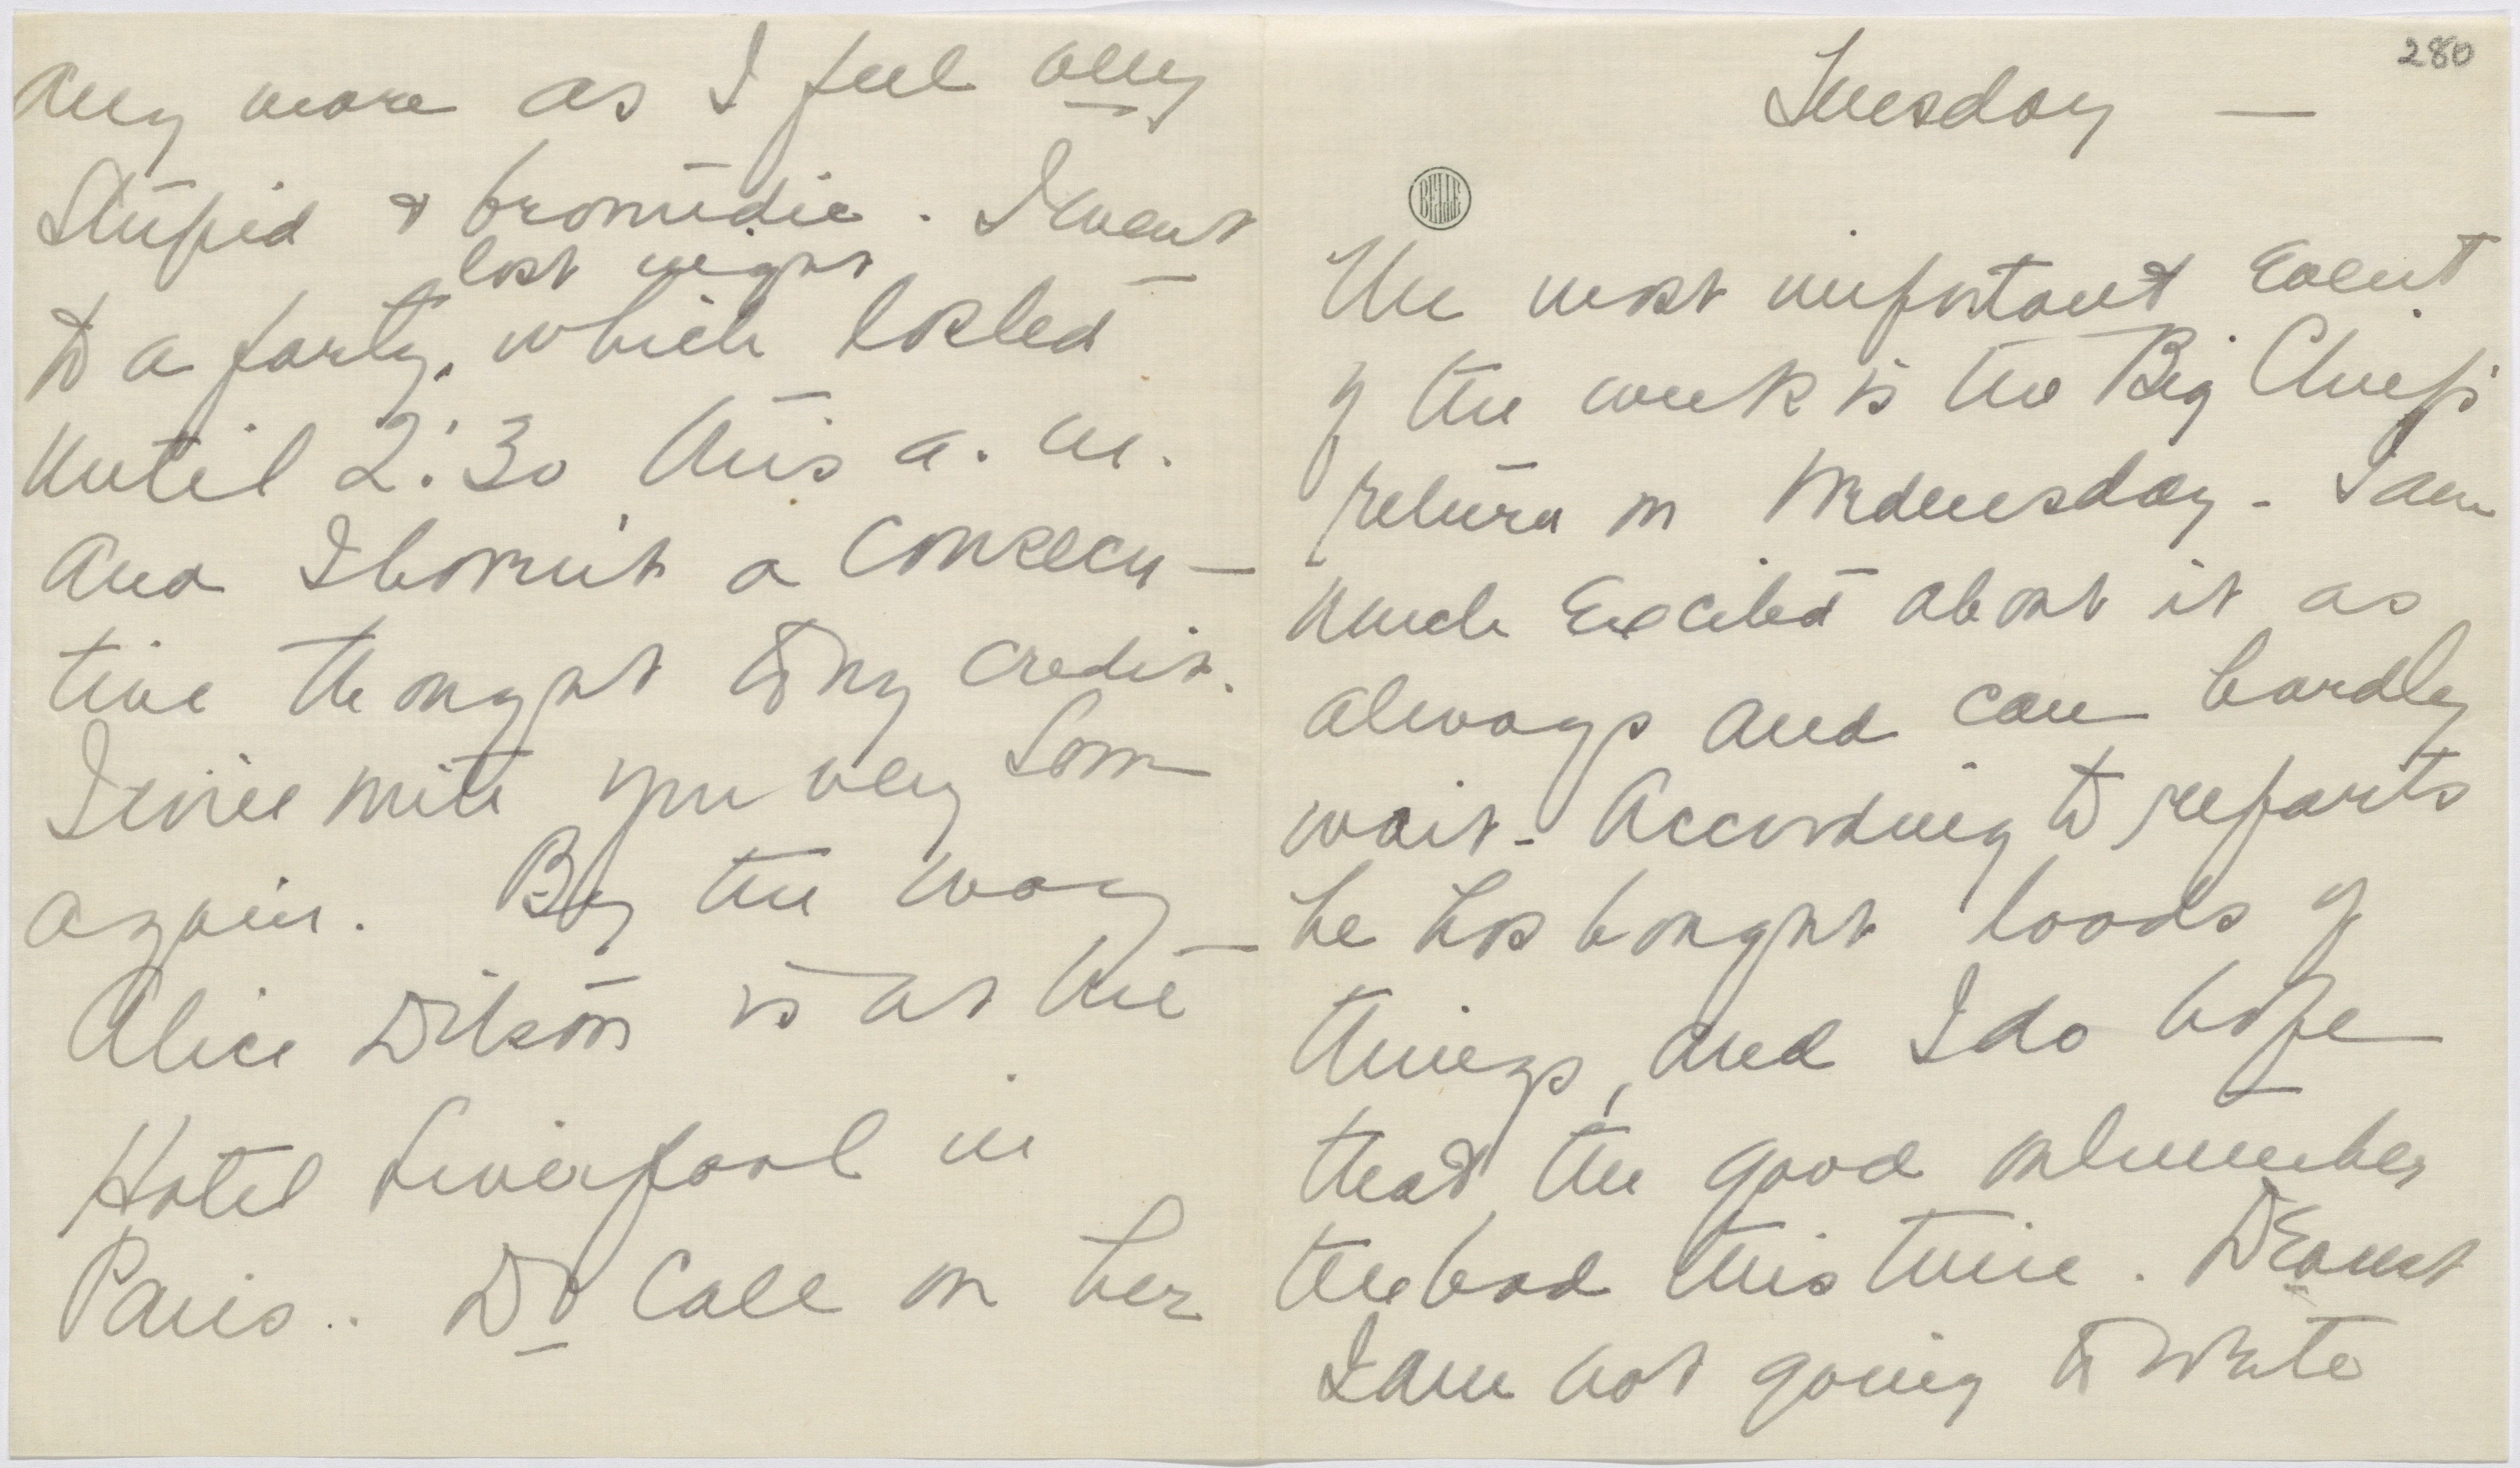Tuesday –
The most important event of the week is the Big Chief’s return on Wednesday – I am much excited about it as always and can hardly wait – According to reports he has bought loads of things, and I do hope that the good outnumber the bad this time. Dearest I am not going to write
any more as I feel very stupid & bromidic. I went to a party [^last night^] which lasted until 2:30 this a. m. and I haven’t a consecutive thought to my credit. I will write you very soon again. By the way Alice Ditson is at the Hotel Liverpool in Paris. Do call on her